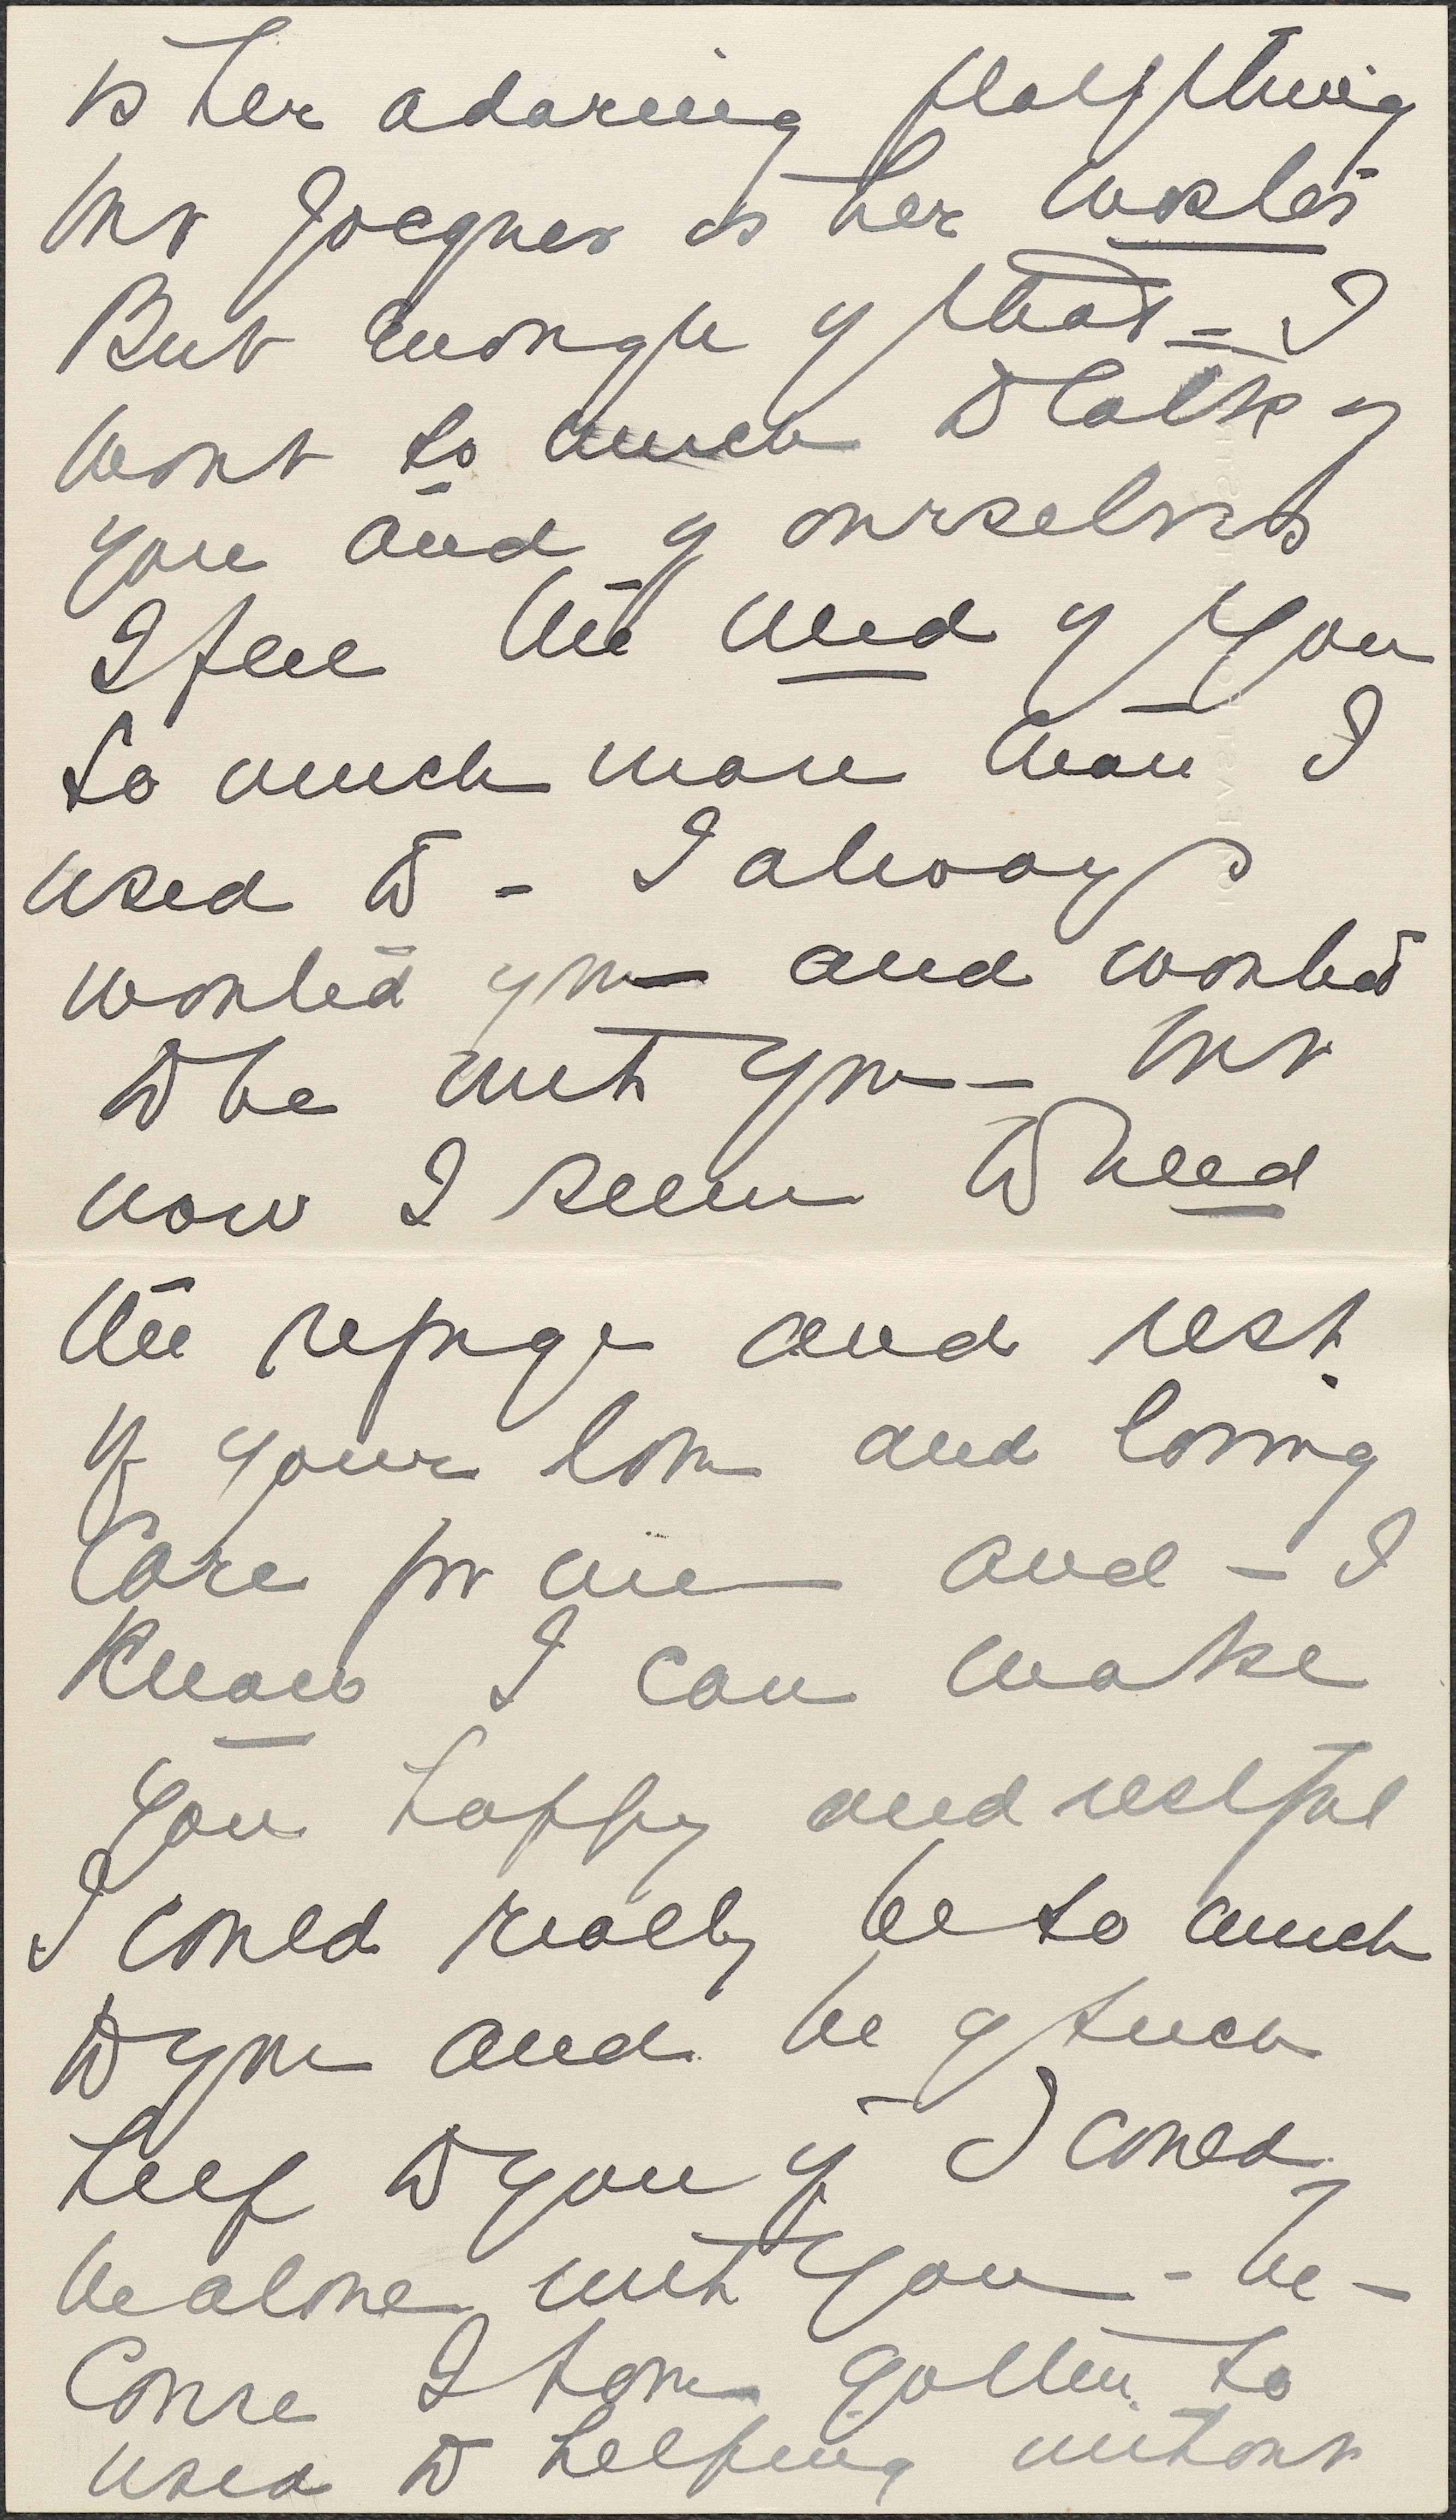is her adoring plaything but Jacques is her master But enough of that – I want so much to talk of you and of ourselves I feel the need of you so much more than I used to – I always wanted you and wanted to be with you – but now I seem to need the refuge and rest of your love and loving care for me and – I know I can make you happy and restful I could really be so much to you and be of such help to you if I could be alone with you – because I have gotten so used to helping without